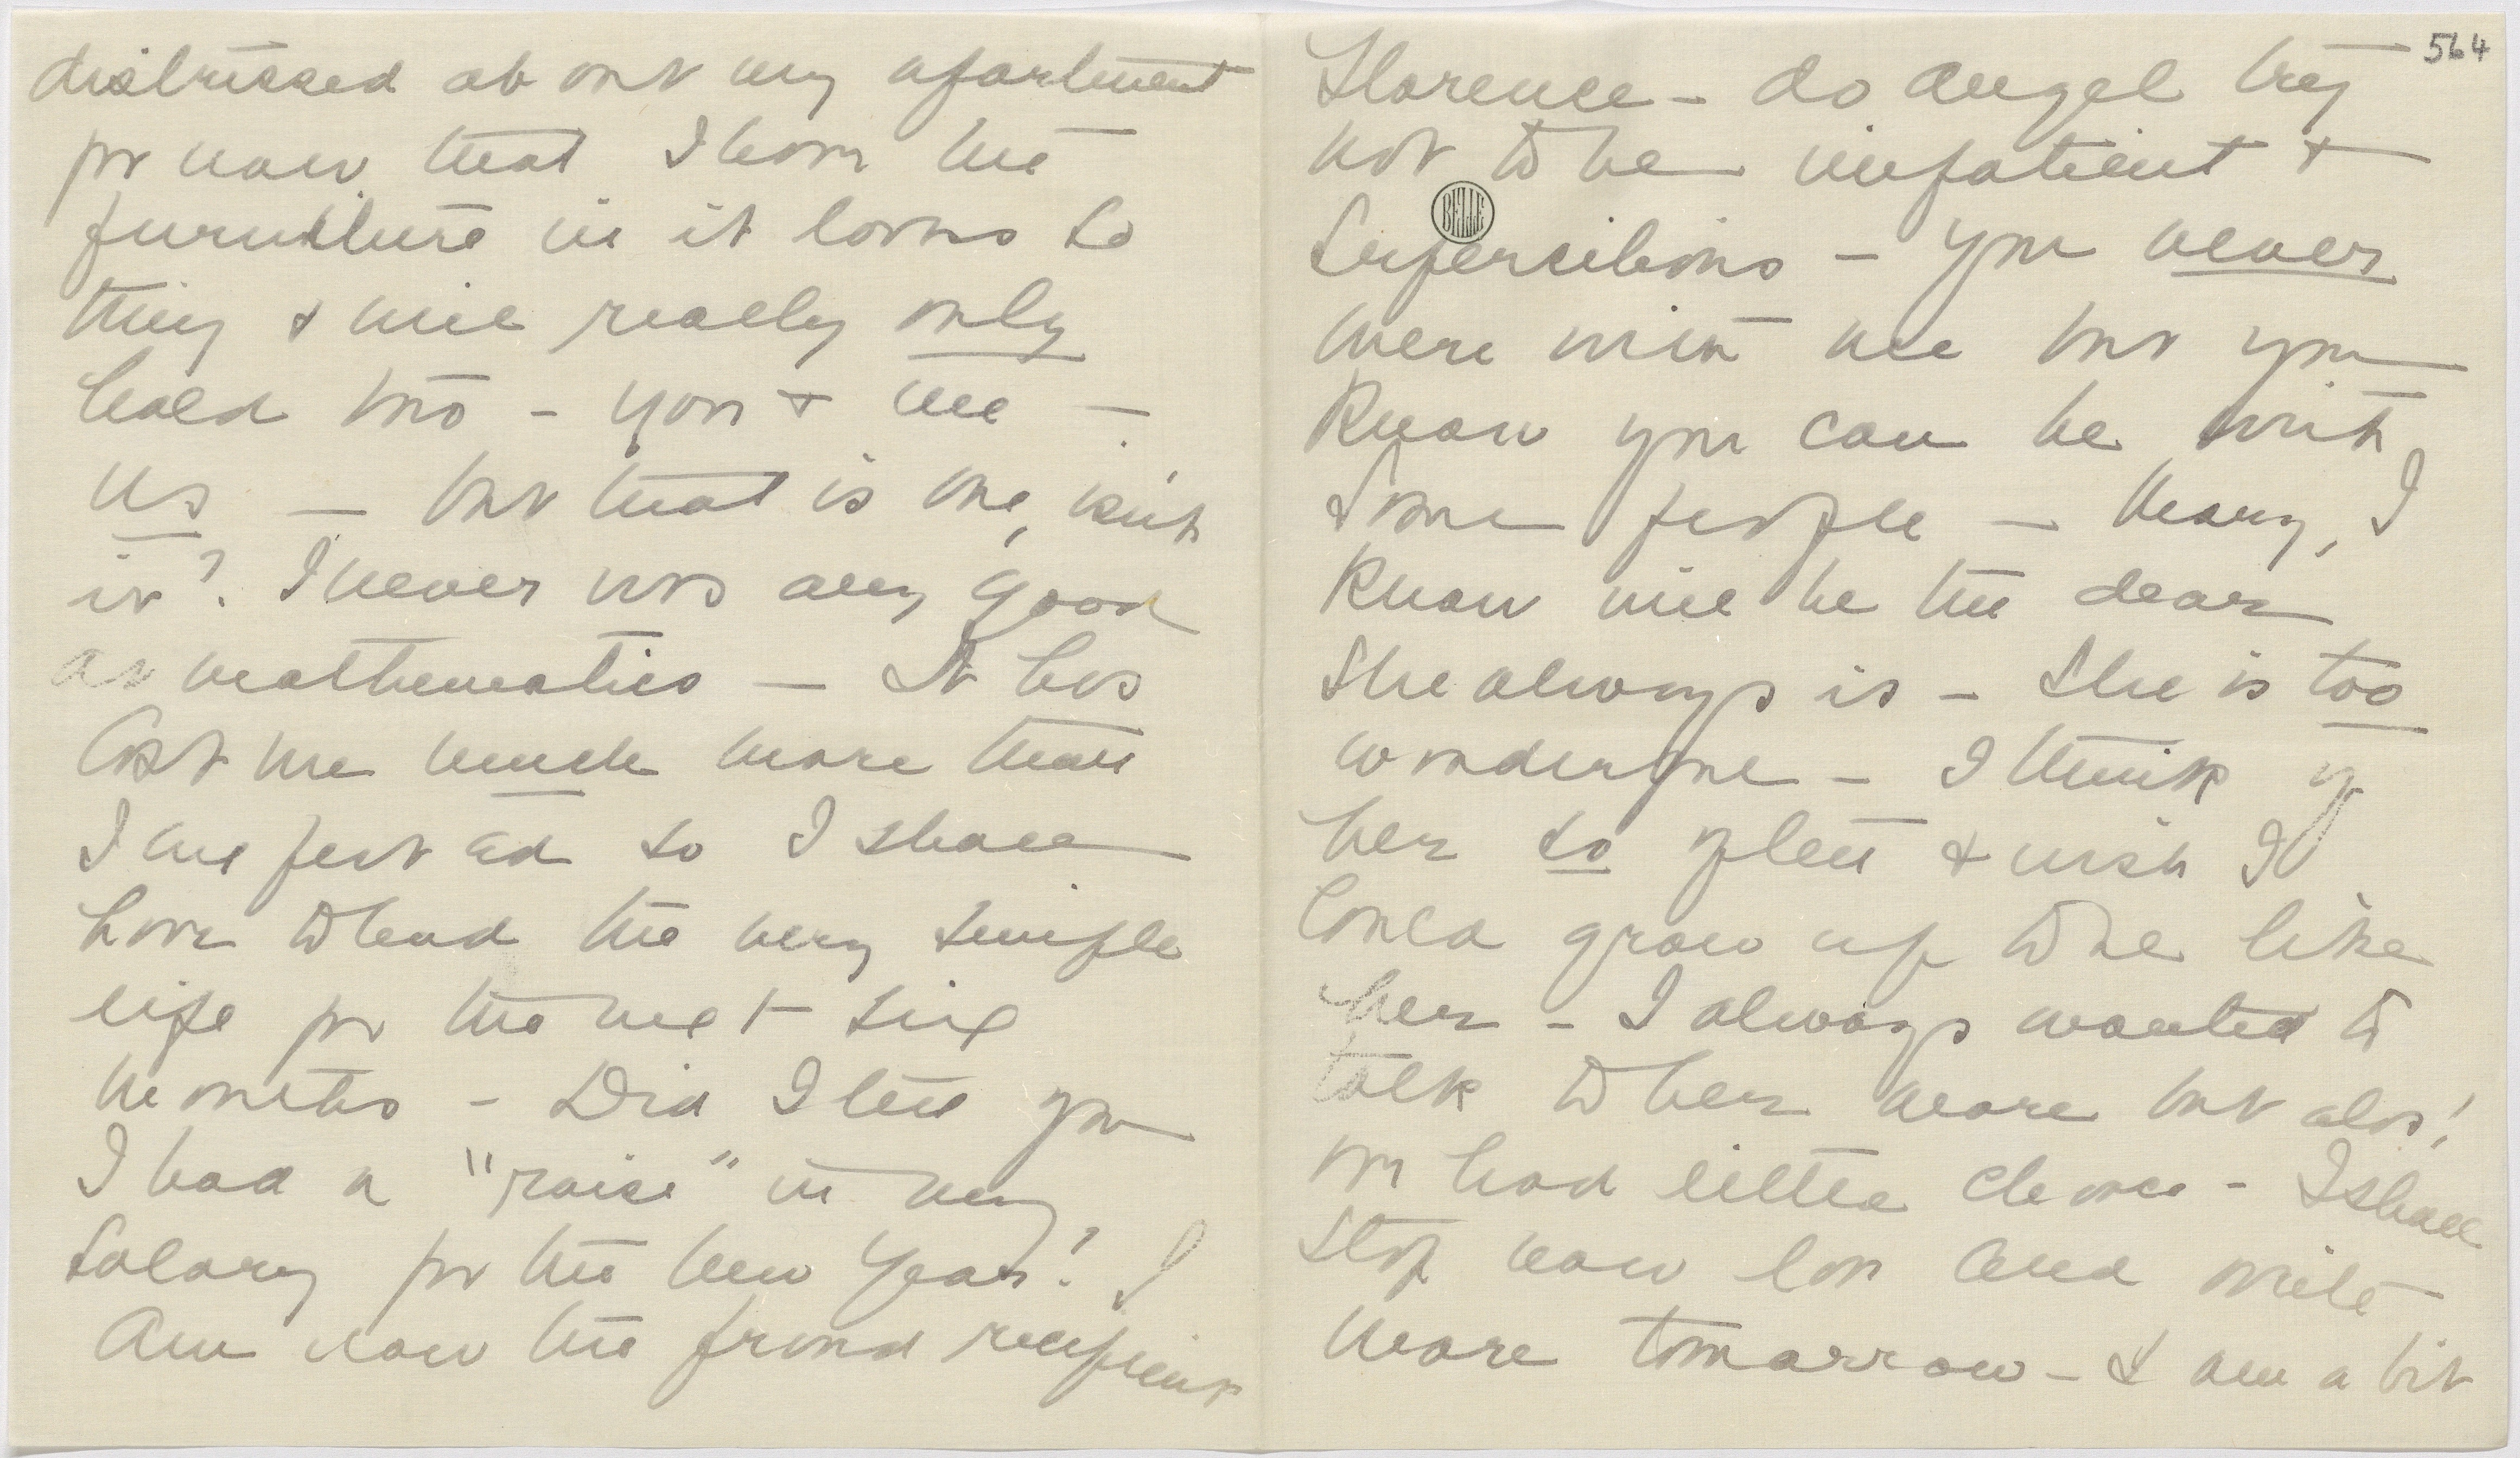Florence – do angel try not to be impatient & supercilious – you never were with me but you know you can be with some people – Mary, I know will be the dear she always is – she is too wonderful – I think of her so often & wish I could grow up to be like her – I always wanted to talk to her more but alas! we had little chance – I shall stop now love and write more tomorrow – I am a bit
distressed about my apartment for now that I have the furniture in it looks so tiny & will really only hold two – you & me – us – but that is one, isn’t it? I never was any good at mathematics – It has cost me much more than I expected so I shall have to lead the very simple life for the next six months – Did I tell you I had a “raise” in my salary for the New Year? I am now the proud recipient